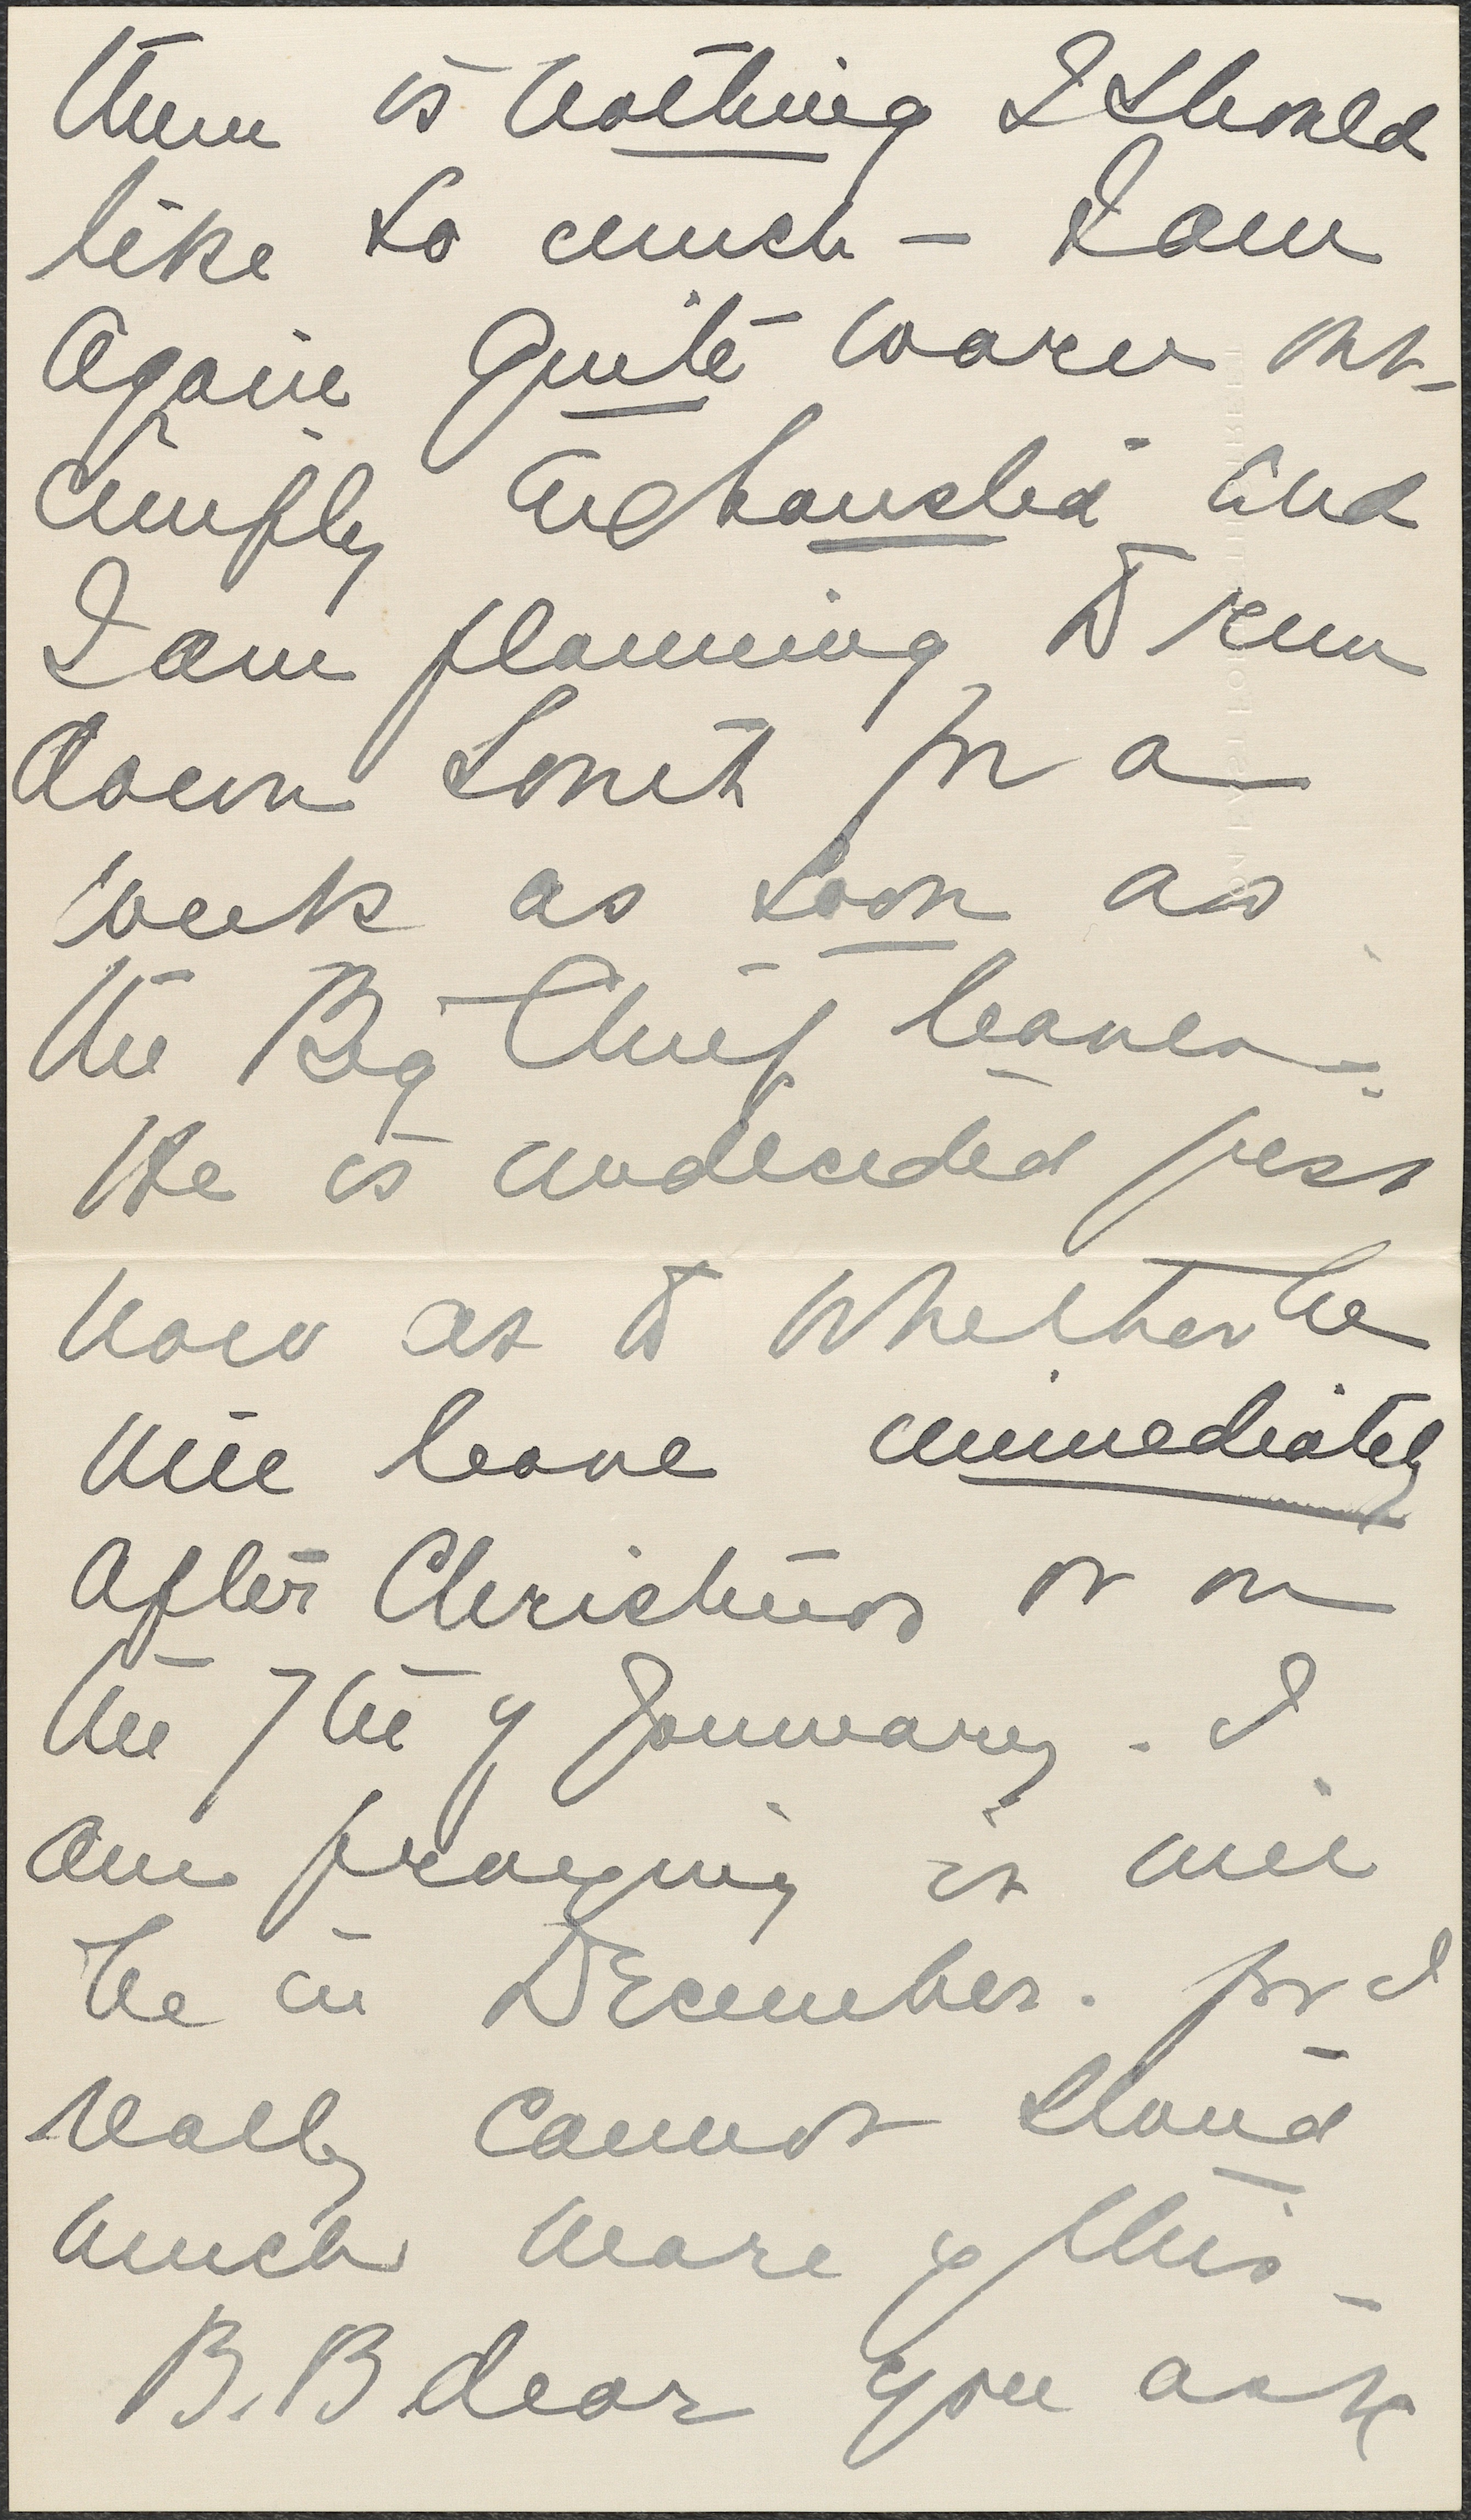there is nothing I should like so much – I am again quite worn out – simply exhausted and I am planning to run down South for a week as soon as the Big Chief leaves – He is undecided just now as to whether he will leave immediately after Christmas or on the 7th of January. I am praying it will be in December. for I really cannot stand much more of this – B. B. dear you ask